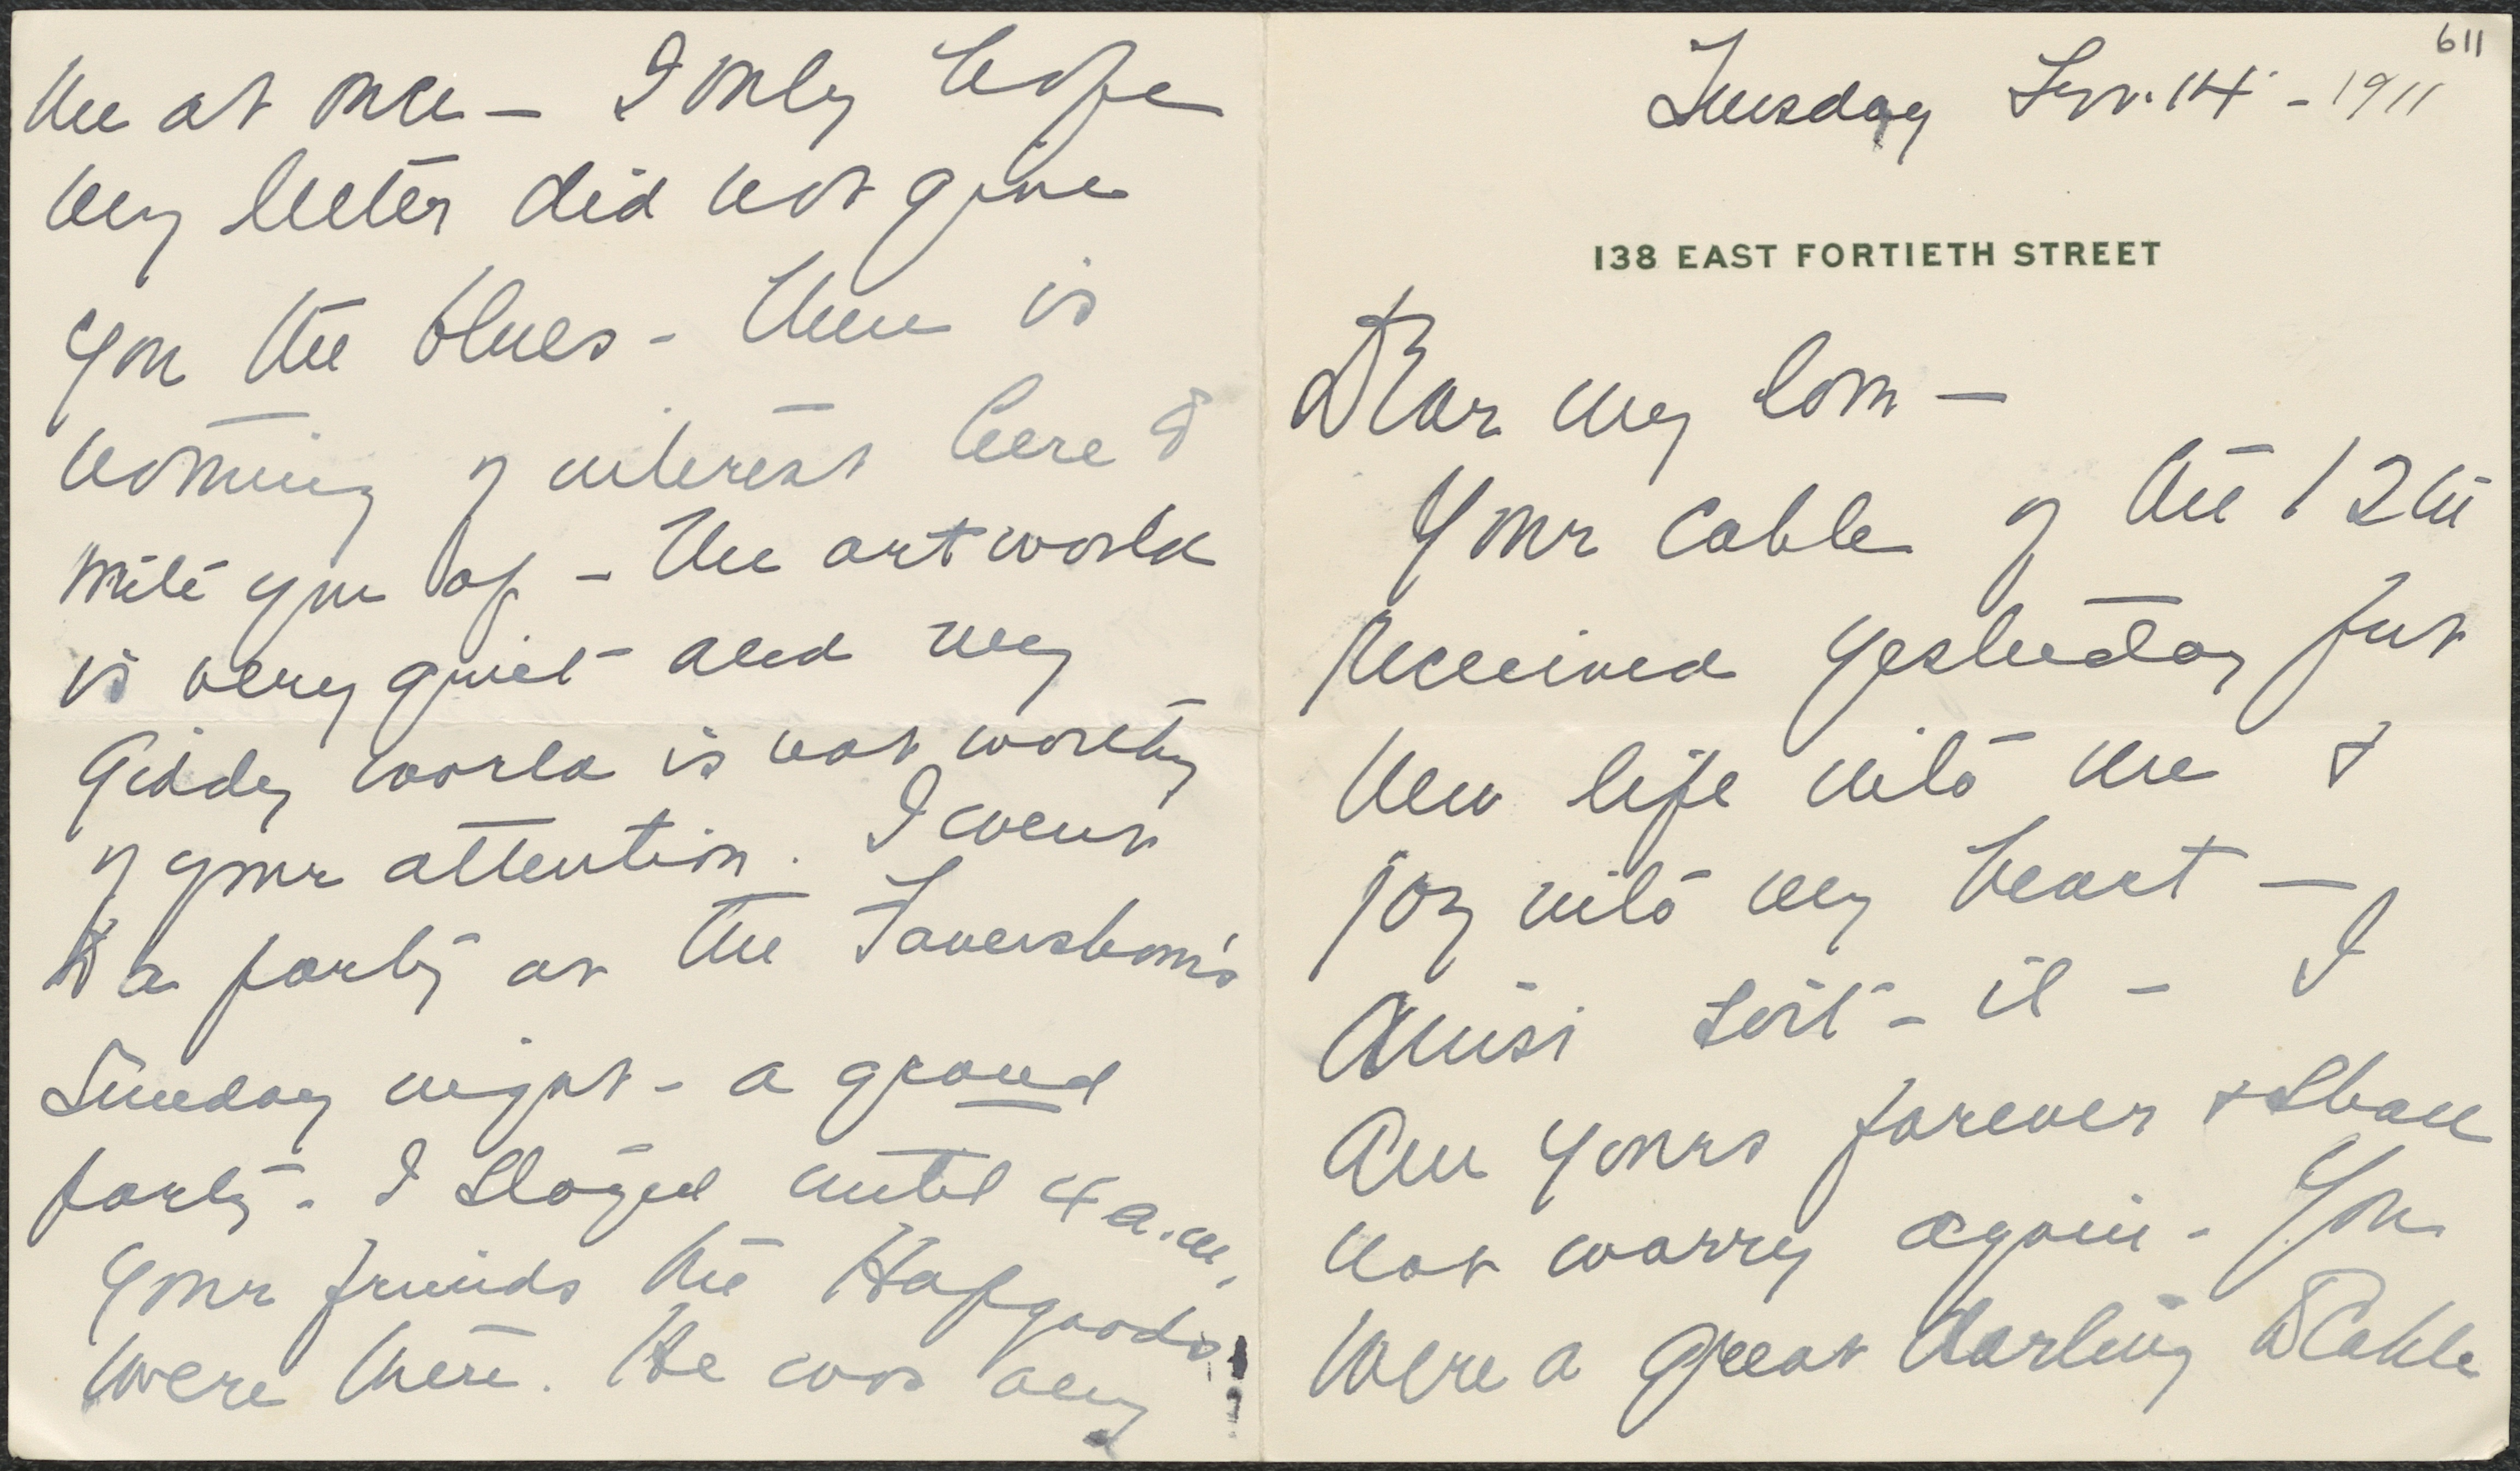Tuesday Feb. 14 –
Dear my love –
Your cable of the 12th received yesterday put new life into me & joy into my heart – ainsi soit-il – I am yours forever & shall not worry again – You were a great darling to cable
me at once – I only hope my letter did not give you the blues – There is nothing of interest here to write you of – The art world is very quiet and my giddy world is not worthy of your attention. I went to a party at the Faversham’s Sunday night – a grand party. I stayed until 4 a.m,
Your friends the Hapgoods were there. He was very